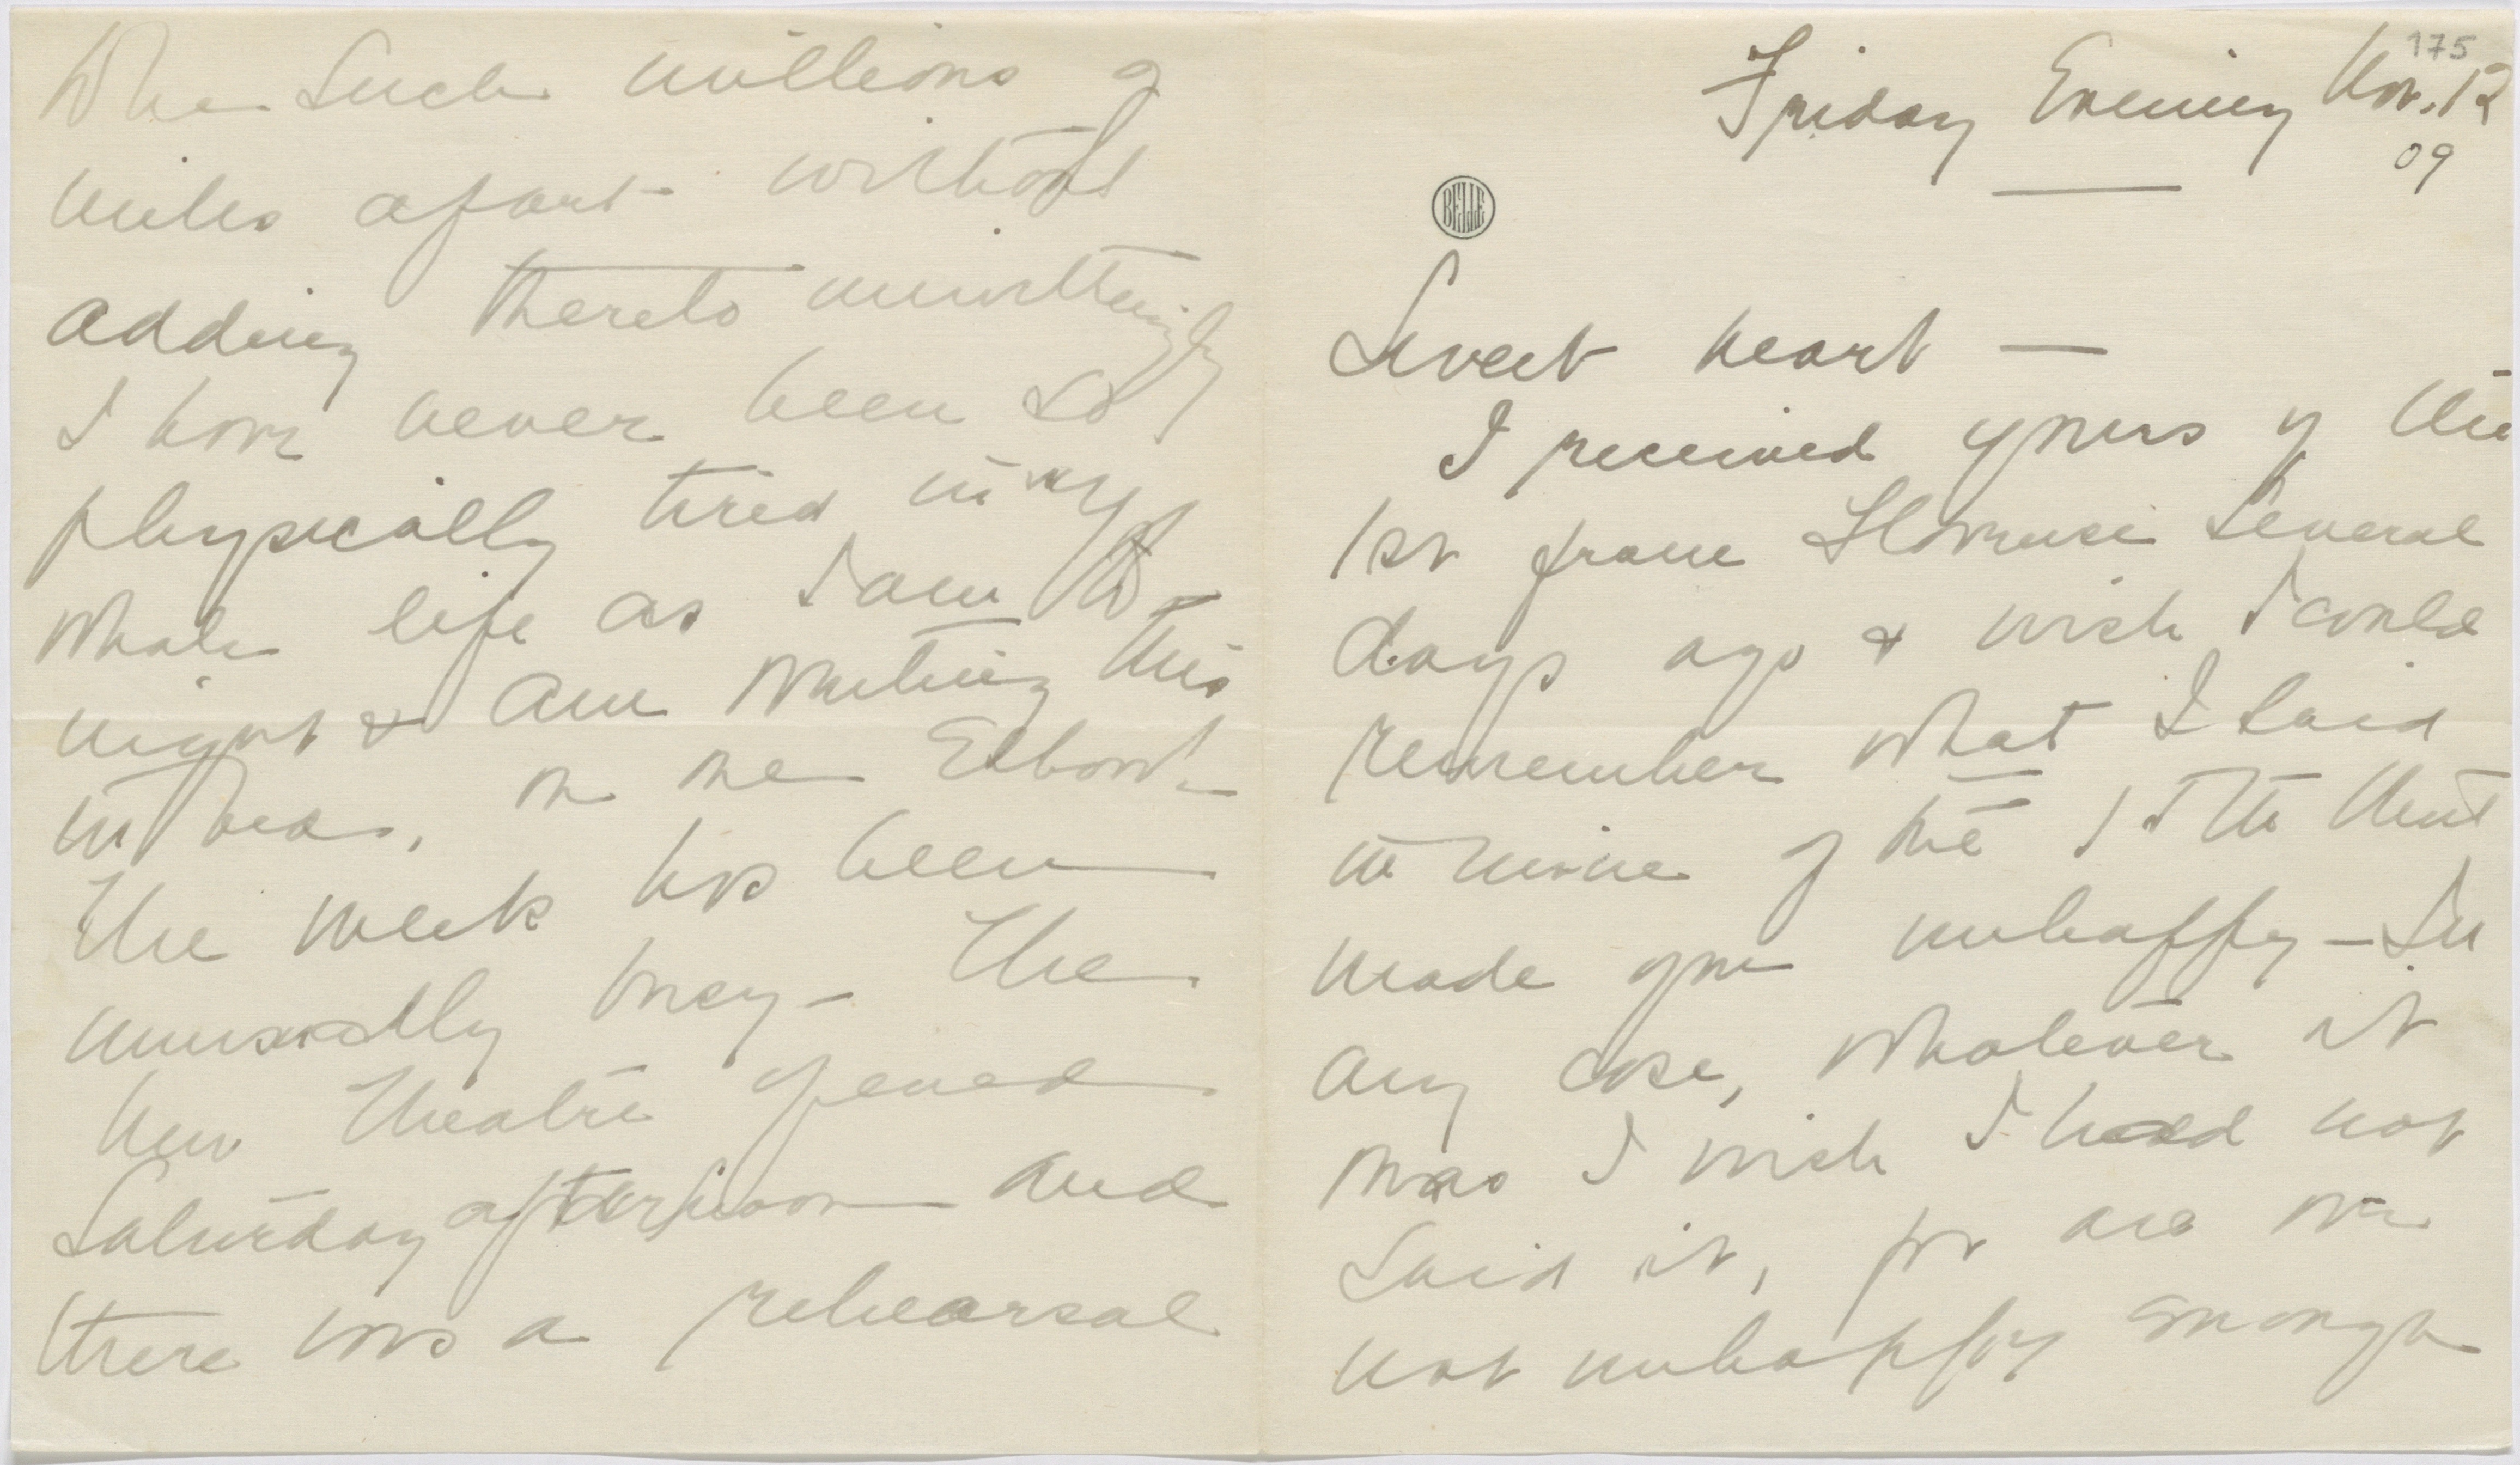Friday Evening Nov. 12
Sweet heart –
I received yours of the 1st from Florence several days ago & wish I could remember what I said in mine of the 15th that made you unhappy – In any case, whatever it was I wish I had not said it, for are we not unhappy enough
to be such millions of miles apart without adding thereto unwittingly
I have never been so physically tired in my whole life as I am tonight & am writing this in bed, on one elbow – The week has been unusually busy – The New Theatre opened Saturday afternoon and there was a rehearsal